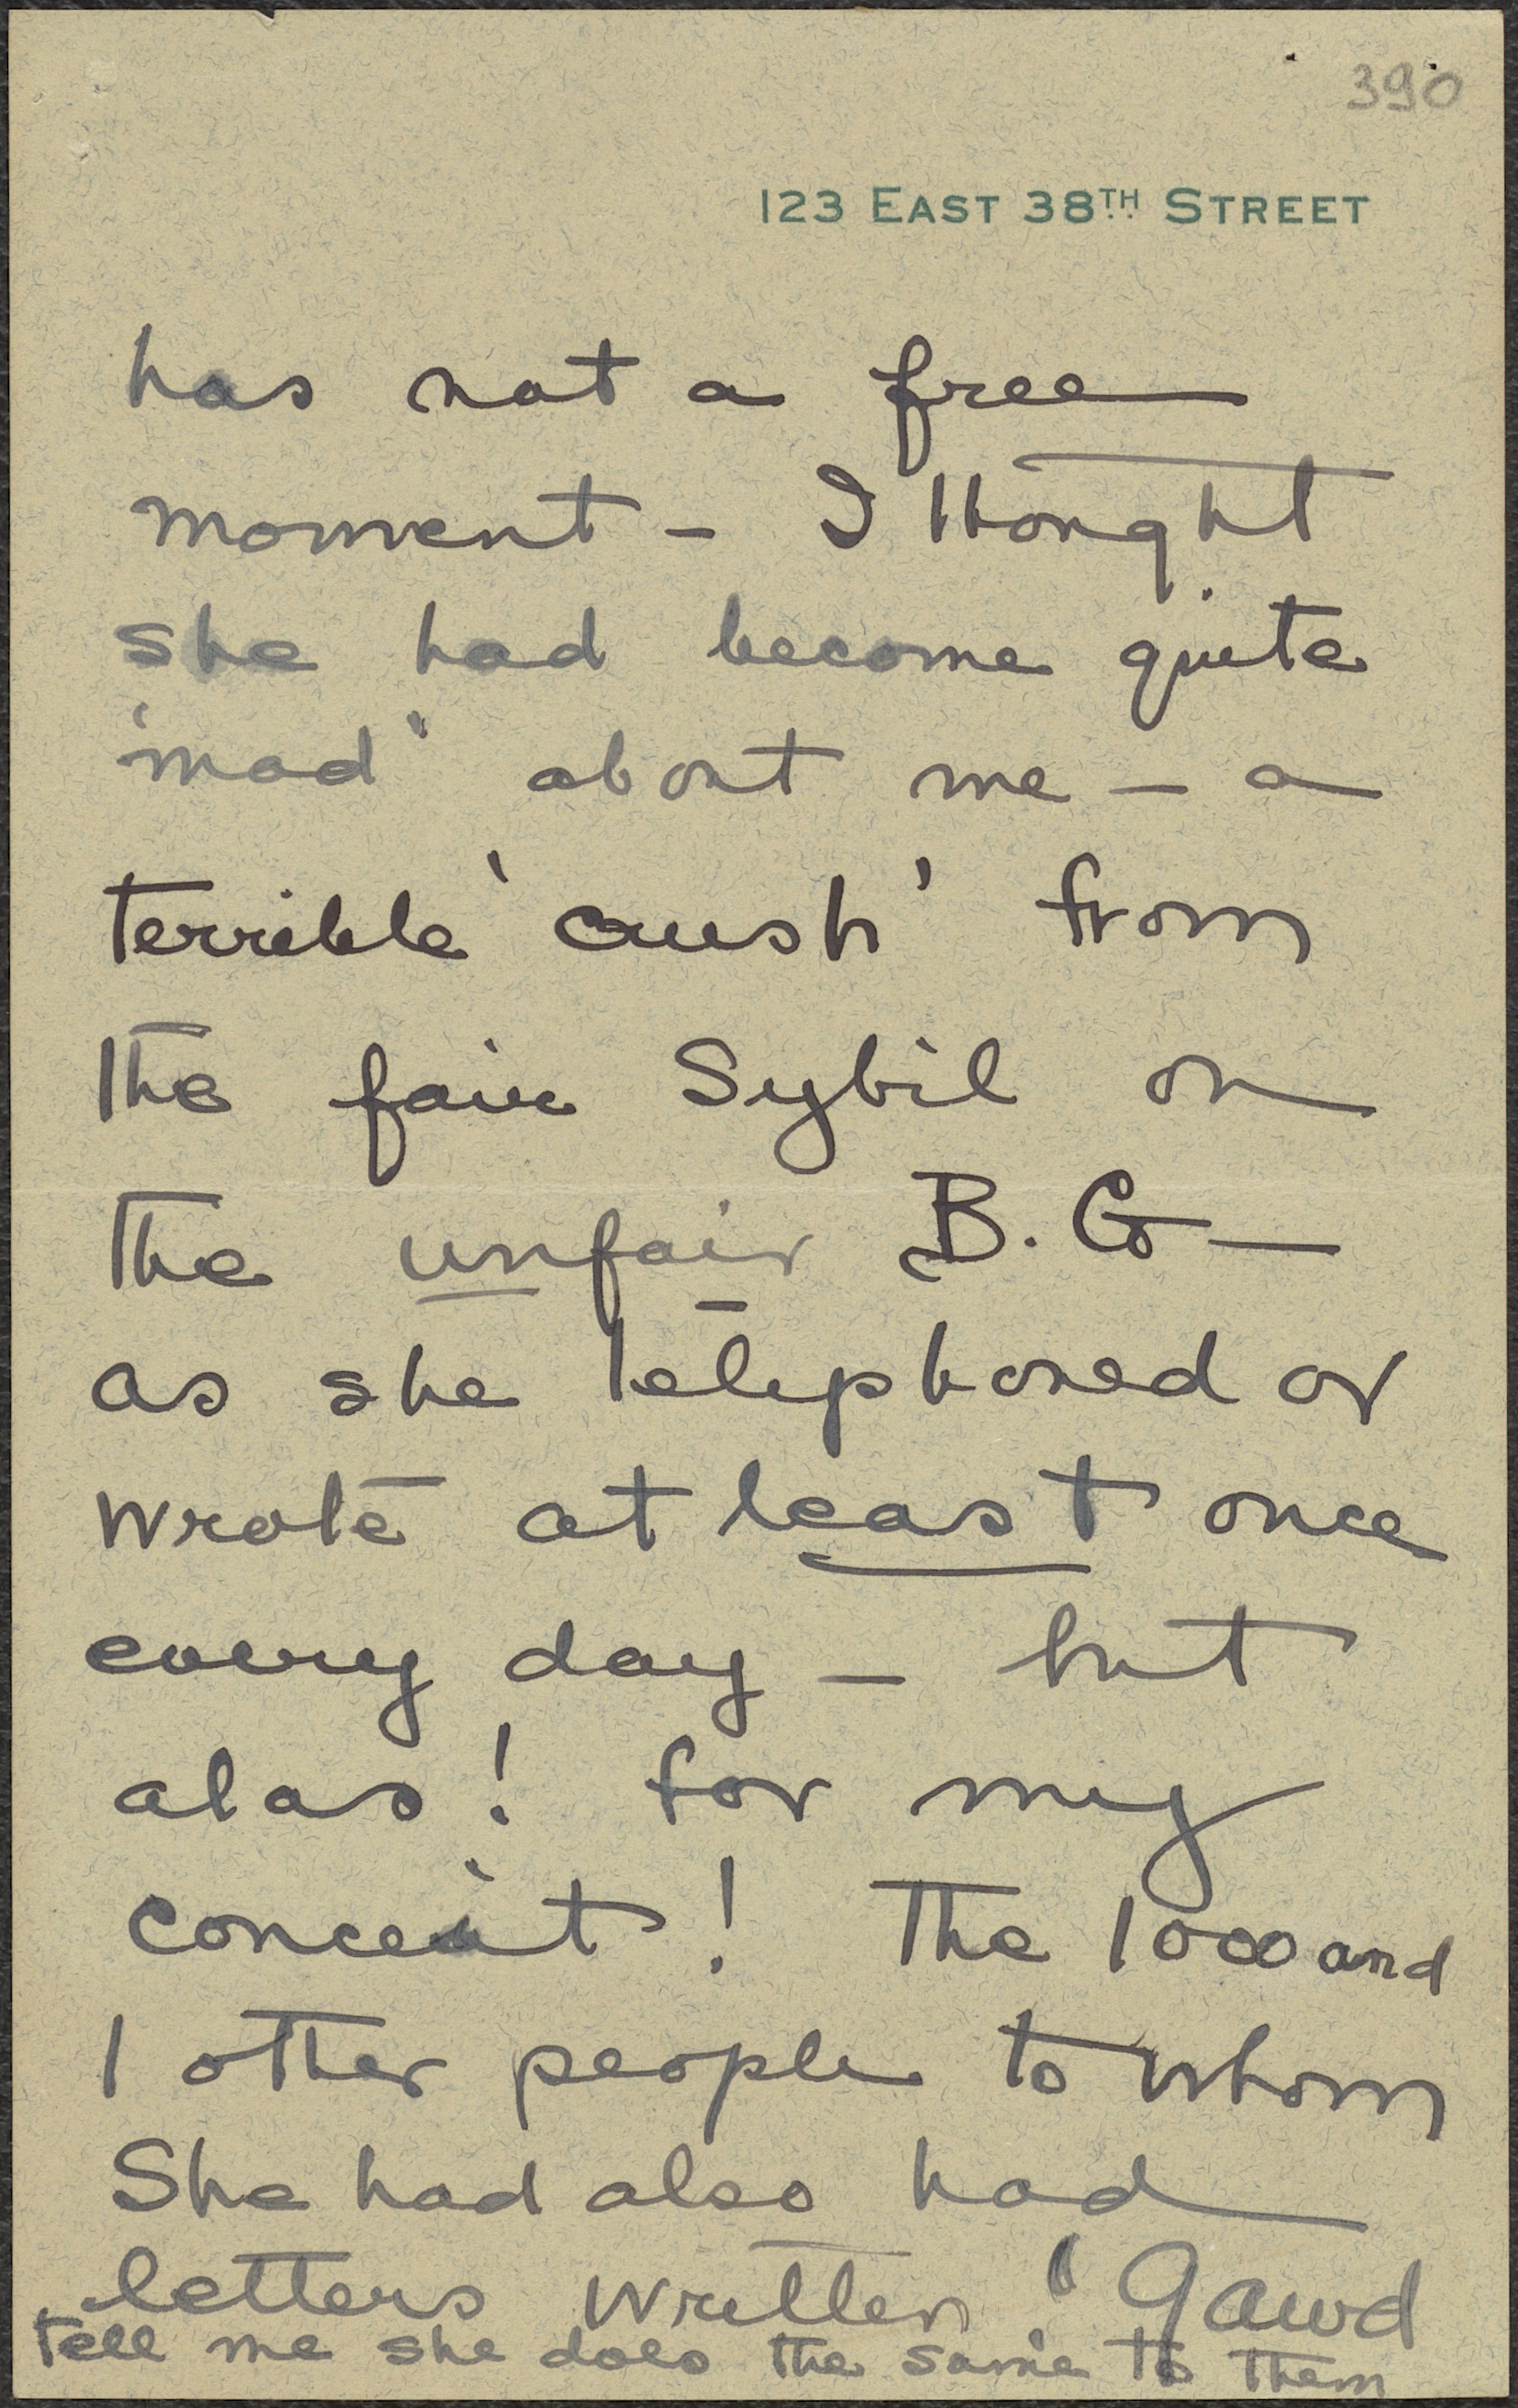has not a free moment – I thought she had become quite ‘mad’ about me – a terrible ‘crush’ from the fair Sybil on the unfair B.G – as she telephoned or wrote at least once every day – but alas! for my conceit! The 1000 and 1 other people to whom she had also had letters written! Gawd tell me she does the same to them